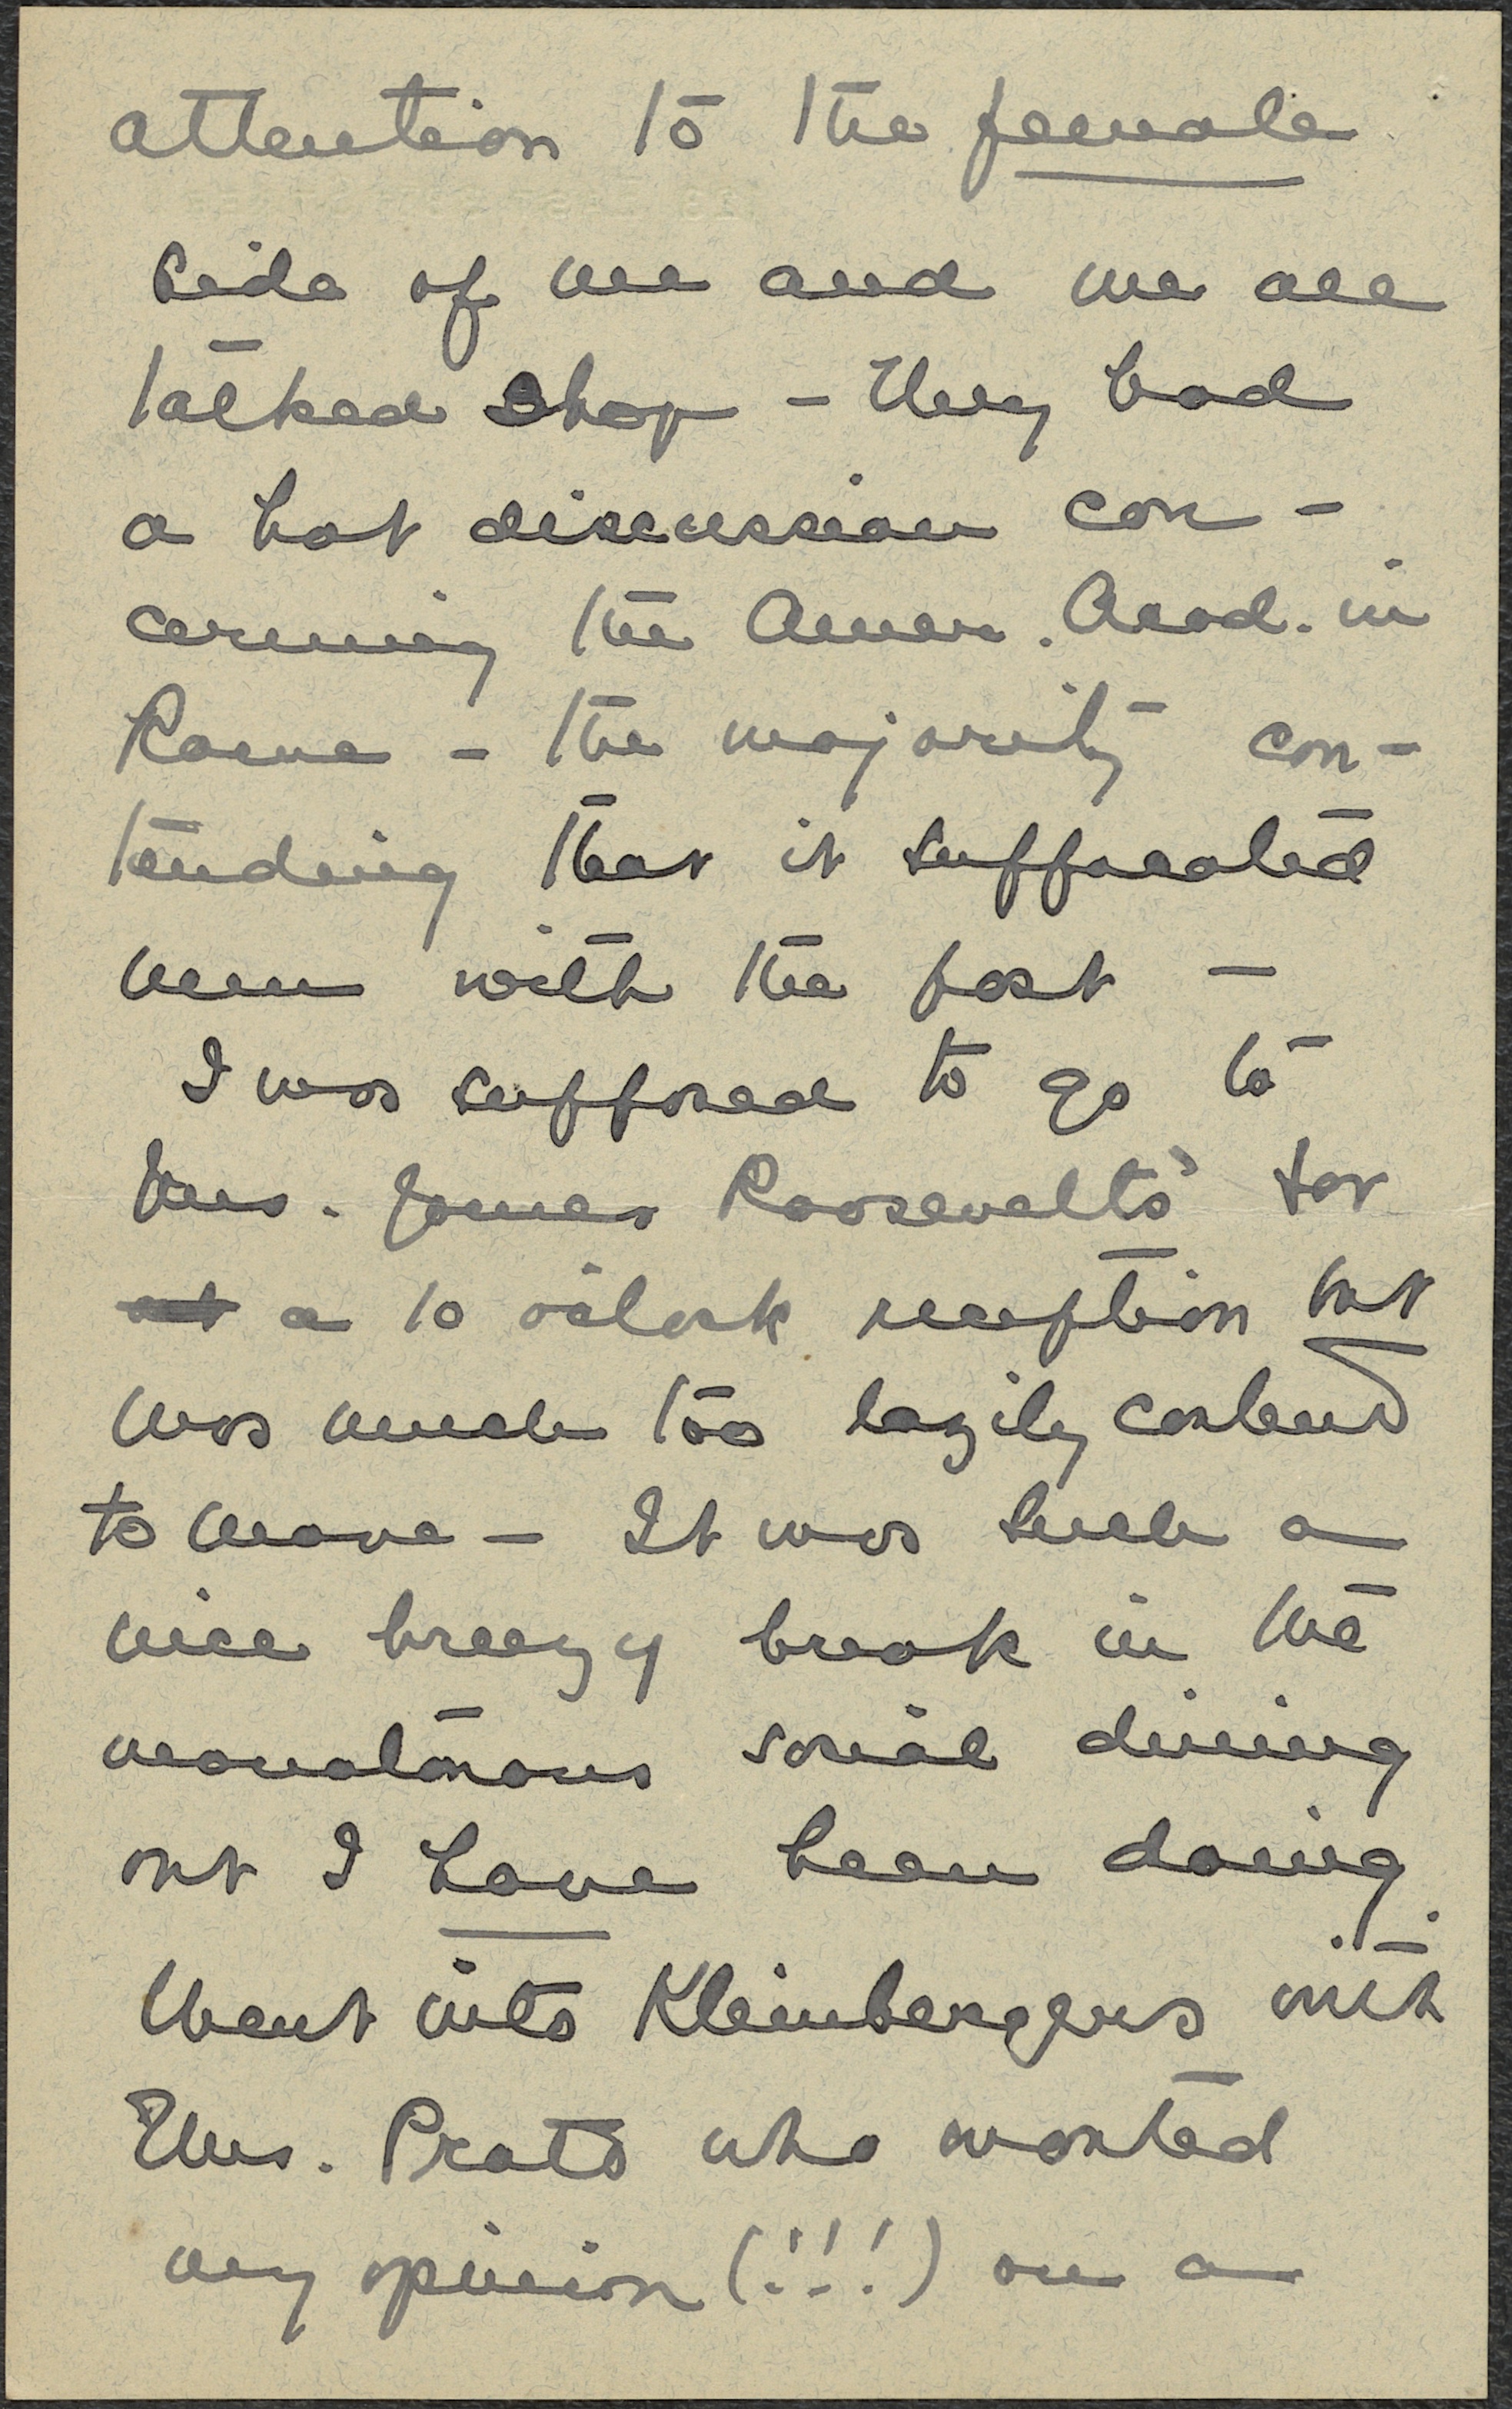attention to the female side of me and we all talked shop – They had a hot discussion concerning the Amer. Acad. in Rome – the majority contending that it suffocated men with the past –
I was supposed to go to Mrs. James Roosevelt's for at a 10 o'clock reception but was much too lazily content to move – It was such a nice breezy break in the monotonous social dining out I have been doing.
Went into Kleinbergers with Mrs. Pratt who wanted my opinion (!!!) on a